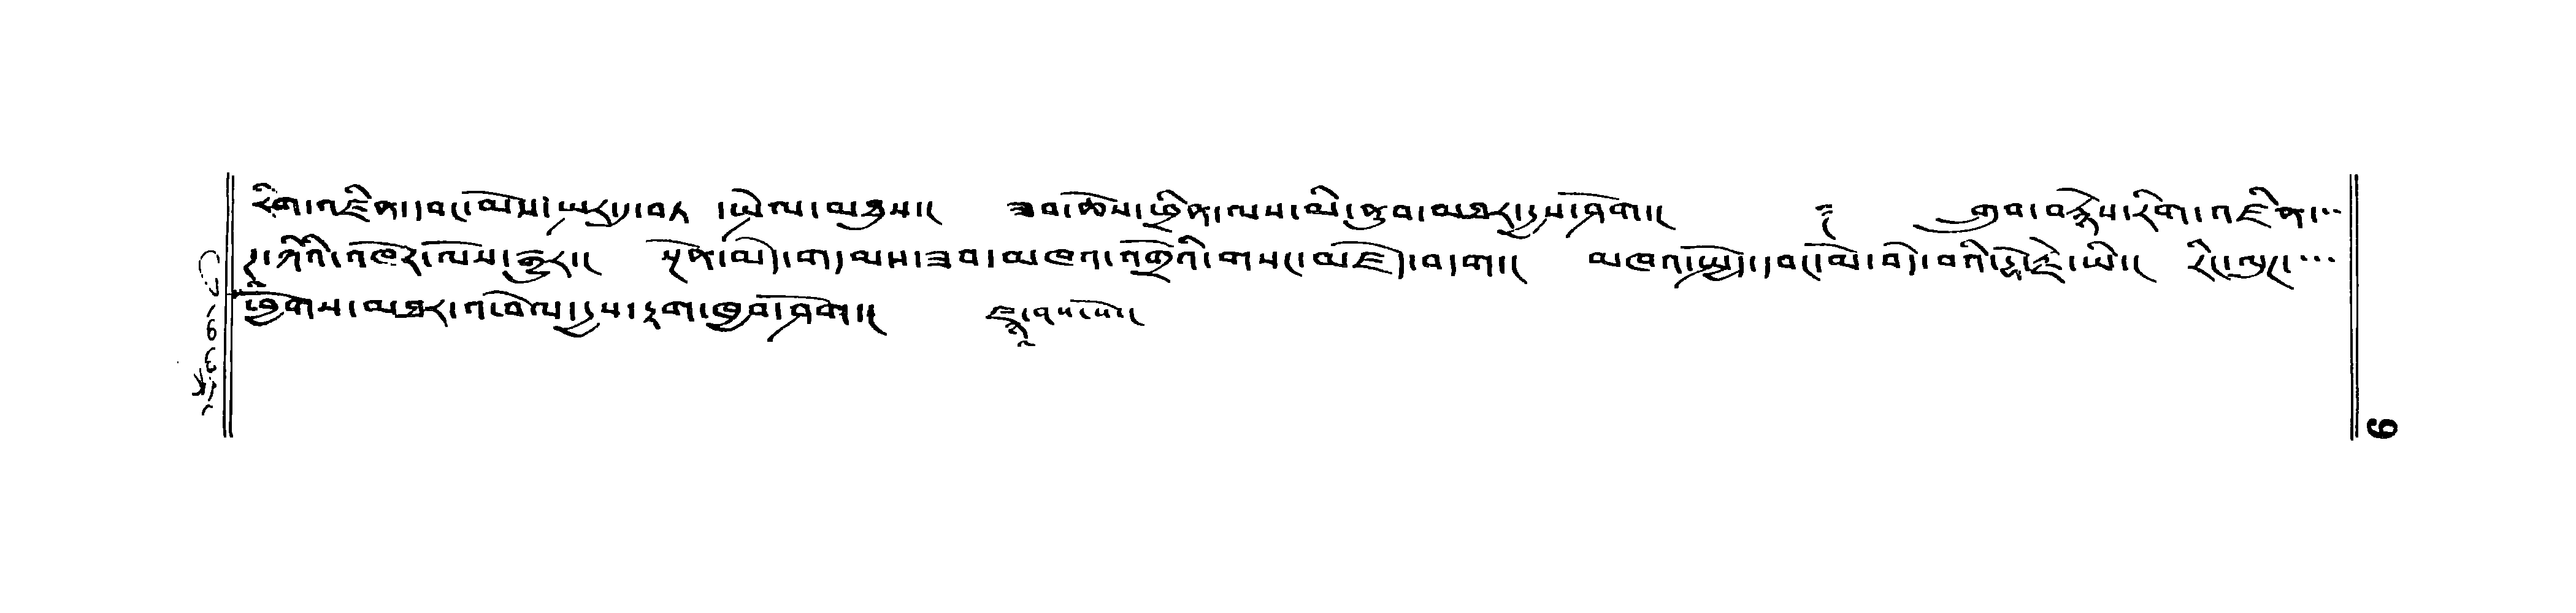།རིག་འཛིན་དབང་མོས་སྤར་དུ་བཏབ་སྤེལ་མཐུས། །ཟབ་ཆོས་ཕྲིན་ལས་མི་ནུབ་མཐར་རྒྱས་ཤོག །གྲུབ་བརྙེས་རིག་འཛིན་
ཌཱ་ཀིའི་འཁོར་ལོས་སྒྱུར། །སྔོན་མེད་གདམས་ཟབ་མཁའ་འགྲོའི་གསང་མཛོད་བདག །མཁའ་སྤྱོད་དབང་མོ་བདེ་བའི་རྡོ་རྗེ་ཡི། །རིང་ལུགས་
ཕྱོགས་མཐར་འཕེལ་རྒྱས་རྟག་ཁྱབ་ཤོག ཛྙཱ་ནས་སོ།།